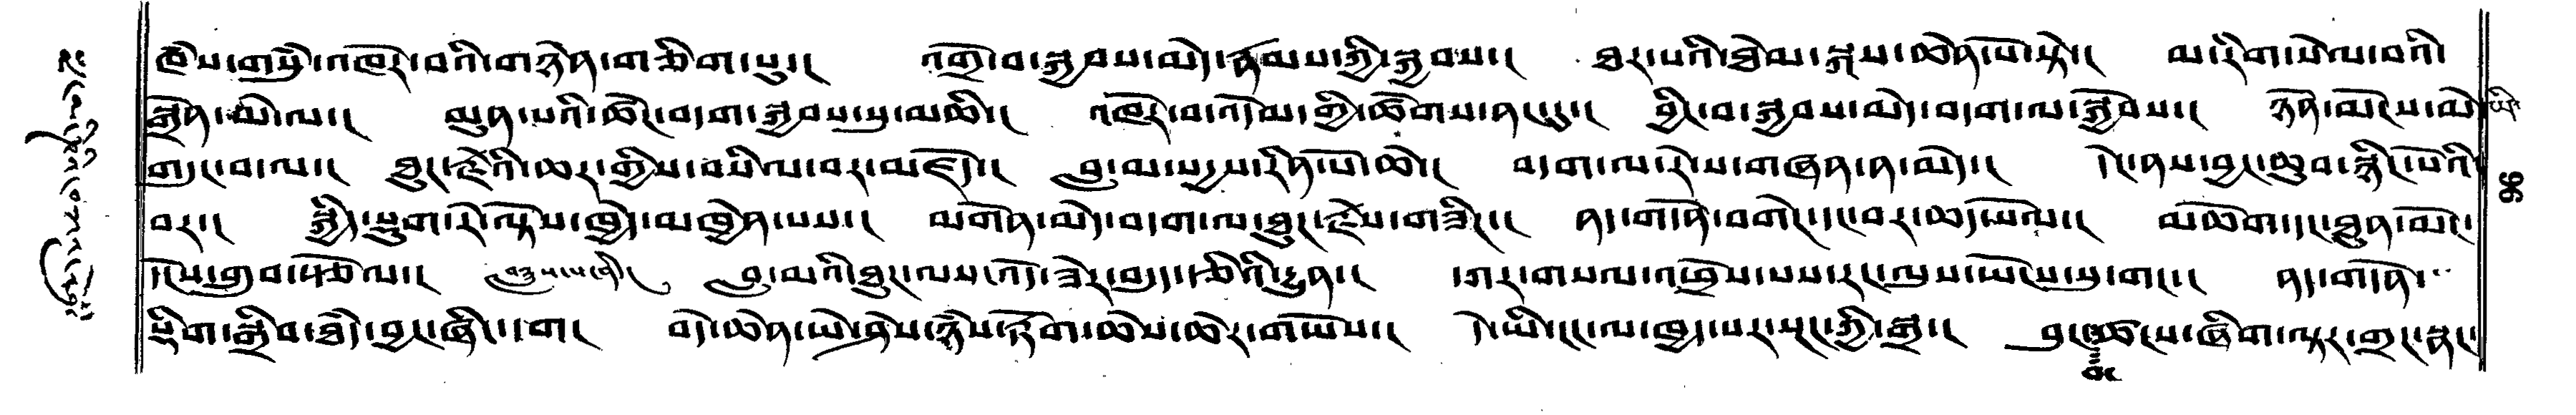ཁམས་གསུམ་འཁོར་བའི་གཉེན་གཅིག་པུ། །འགྲོ་བ་སྐྱབས་མེད་རྣམས་ཀྱི་སྐྱབས། །ཐར་པའི་ཐེམ་སྐས་ཆེན་པོ་སྟེ། །མ་རིག་སེལ་བའི་
སྒྲོན་མེ་ལ། །མུན་པའི་ཚོགས་བདག་སྐྱབས་སུ་མཆི། །འཁོར་བ་འདམ་གྱི་ཚོགས་ནང་དུ། །བྱིང་བ་སྐྱབས་མེད་བདག་ལ་སྐྱོབས། །ཉོན་མོངས་མེ་ཡི་
གདུང་བ་ལ། །ཐུགས་རྗེའི་ཆར་གྱིས་བསིལ་བར་མཛོད། །བླ་མ་སངས་རྒྱས་རིན་པོ་ཆེ། །བདག་ལ་རེ་ས་གཞན་ན་མེད། །དེང་ནས་བྱང་ཆུབ་སྙིང་པོའི་
བར། །སྐྱིད་སྡུག་རེ་ལྟོས་ཁྱེད་མཁྱེན་པས། །མགོན་མེད་བདག་ལ་ཐུགས་རྗེས་གཟིགས། ནད་གདོན་བགེགས་དང་བར་ཆད་སོལ། །མཆོག་དང་ཐུན་མོང་
དངོས་གྲུབ་སྩོལ། བཟླས་པ་ནི། བླ་མའི་ཐུགས་ལས་འོད་ཟེར་བདུད་རྩིའི་རྒྱུན། །དཀར་གསལ་འཕྲོས་པས་རང་ལུས་ཡོངས་སུ་གང་། །ནད་གདོན་
སྡིག་སྒྲིབ་ཐམས་ཅད་བྱང་ཞིང་དག །བདེ་ཆེན་ཡེ་ཤེས་ཉམས་རྟོགས་ཆེས་ཆེར་གཡོས། །དེ་ཡི་ངང་ལ་ཁྱད་པར་སྔགས་ཀྱི་སྒྲ། །བུང་བ་ཚང་ཞིག་ལྟར་གྲགས་སྣང་